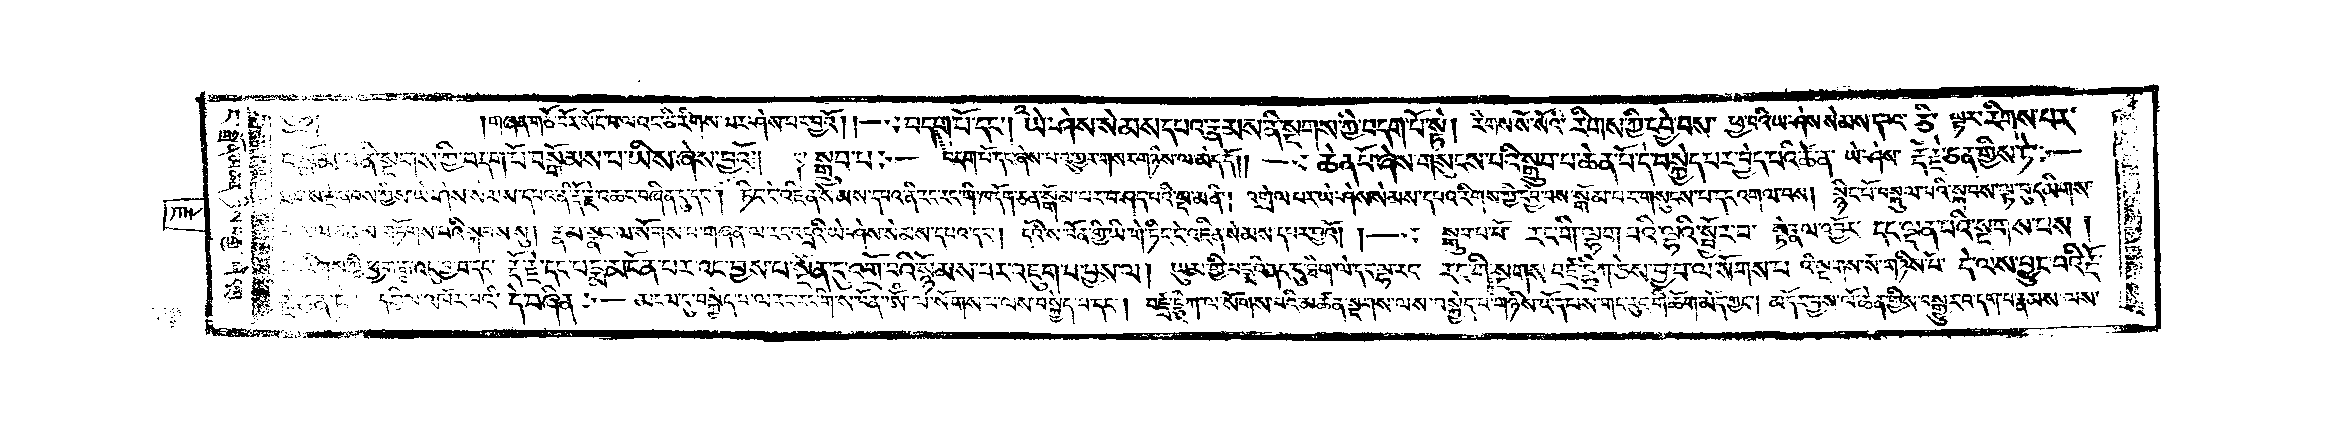༄༅། །གཞན་གཙོ་བོར་སོང་བ་ལའང་ཅི་རིགས་པར་ཤེས་པར་བྱའོ། ། .H བདག་པོ་དང་། ༢་ཡེ་ཤེས་སེམས་དཔའ་རྣམས་ནི་སྔགས་ཀྱི་བདག་པོ་སྟེ། རིགས་སོ་སོའི་རིགས་ཀྱི་དབྱེ་བས་ཕྱ་བའི་ཡེ་ཤེས་སེམས་དཔའ་ཅི་ལྟར་རིགས་པར་
བསྒོམ་པ་ནི་སྔགས་ཀྱི་བདག་པོ་བསྒོམས་པ་ཡིས་ཞེས་བྱའོ། ༈ སྒྲུབ་པཿ་བདག་པོ་དང་ཞེས་པ་འགྱུར་གསར་གཉིས་ལ་མེད་དོ།། .H ཆེན་པོ་ཞེས་གསུངས་པའི་སྒྲུབ་པ་ཆེན་པོ་དེ་བསྐྱེད་པར་བྱེད་པའི་ཚེ་ན་ཡེ་ཤེས་རྡོ་རྗེ་ཅན་གྱིས་ཏེཿ
ཐུགས་རྗེ་ཞབས་ཀྱིས་ཡེ་ཤེས་སེམས་དཔའ་ནི་རྡོ་རྗེ་འཆང་བཞིན་དུ་དང་། ཏིང་ངེ་འཛིན་སེམས་དཔའ་ནི་རང་རང་གི་ཁ་དོག་ཅན་སྒོམ་པར་བཤད་པའི་སྔ་མ་ནི། འགྲེལ་པར་ཡེ་ཤེས་སེམས་དཔའ་རིགས་ཀྱི་དབྱེ་བས་བསྒོམ་པར་གསུངས་པ་དང་འགལ་བས། སྙིང་པོ་བསྐུལ་པའི་སྐབས་ལྟ་བུ་དམིགས་
གསལ་ཅན་མ་གཏོགས་པའི་སྐབས་སུ། རྣམ་སྣང་ལ་སོགས་པ་གཞན་ལ་རང་འདྲའི་ཡེ་ཤེས་སེམས་དཔའ་དང་། དེའི་ས་བོན་གྱི་ཡི་གེ་ཏིང་ངེ་འཛིན་སེམས་དཔར་བྱའོ། ། .H སྒྲུབ་པ་པོ་རང་གི་ལྷག་པའི་ལྷའི་སྦྱོར་བ་སྟེ་རྣལ་འབྱོར་དང་ལྡན་པའི་སྔགས་པས།
རང་རིགས་ཀྱི་ཕྱག་རྒྱ་འདུ་བྱ་བ་དང་རྡོ་རྗེ་དང་པདམ་མངོན་པར་འདུ་བྱས་པ་སྔོན་དུ་འགྲོ་བའི་སྙོམས་པར་འཇུག་པ་བྱས་ལ། ཡུམ་གྱི་པདམའི་ནང་དུ་ཐིག་ལེ་དང་ལྷ་རང་རང་གི་སྔགས་བཛྲ་དྷྲི་ཀ་ཅེས་བྱ་བ་ལ་སོགས་པའི་སྔགས་སོ་གཉིས་པོ་དེ་ལས་བྱུང་བའི་རྡོ་
རྗེ་ཅན་ཏེ། དཀྱིལ་འཁོར་པའི་དེ་བཞིནཿ་མངལ་དུ་བསྐྱེད་པ་ལ་རང་རང་གི་ས་བོན་ཨོཾ་ལ་སོགས་པ་ལས་བསྐྱེད་པ་དང་། བཛྲ་དྷྲི་ཀ་ལ་སོགས་པའི་མཚན་སྔགས་ལས་བསྐྱེད་པ་གཉིས་ཡོད་པས་གང་རུང་གི་ཆོག་མོད་ཀྱང་། མདོར་བྱས་ལོ་ཆེན་གྱིས་བསྒྱུར་བ་དག་པ་རྣམས་ལས་